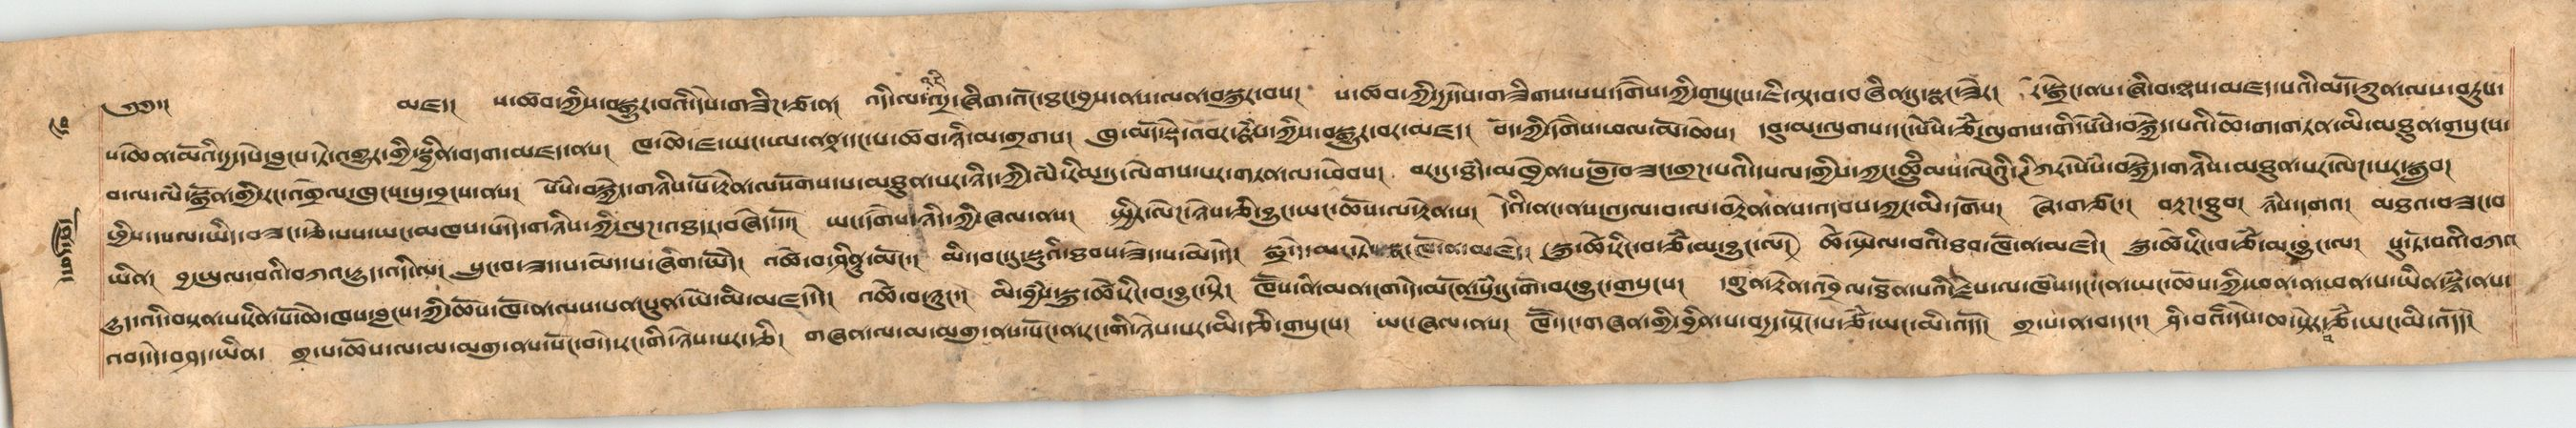ས་ཚབ་ཀྱིས་བསྒྱུར་བའི་དེས་གཟིཌ་ཙ་ན། འདི་ལ་འདི་འདྲ་ཞིག་འོང་ཐང་བྱས་ནས་ལན་བསྐུར་བས། ས་ཚབ་ཀྱི་དྱ་དཔེ་གཟིགས་པས་དགཻས་ཀྱི་གསུངས་ཇི་ལྟ་བ་བཞིན་དུ་སྣང་ཟེར། ར་སྒྲེང་ནས་ཞི་བ་ལྷས་མཛད་པའི་མདོ་ཀུན་ལས་བཏུས་
པ་ཆེན་མོའི་དྱ་དཔེ་བླངས་ཏེ་འགྱུར་གྱི་སྦྱིན་བདག་མཛད་ནས། ཁ་ཆེ་ཛ་ཡ་ཨ་ནནྟ་དང་པ་ཚབ་ཉི་མ་གྲགས། ཁུ་མདོ་སྡེ་འབར་རྣཾས་ཀྱིས་བསྒྱུར་བར་མཛད། བོད་ཀྱི་དགཻས་ཕལ་མོ་ཆེས། དབུ་མ་ལུགས་དང་སེཾས་ཙཾ་ལུགས་གི་སེཾས་བསྐྱེད་པའི་ཆོ་ག་དག་གཏན་མི་མཐུན་གསུངས་
བ་ལ་ལཾ་སྒྲོན་གྱི་རང་འགྲེལ་ཁུངས་སུ་བྲངས་ནས། སེསཾ་བསྐྱེད་གཉིས་པོ་རྟེན་ལསོགས་པ་མཐུན་པར་ཉིད་ཀྱི་ལཾ་རིམ་དུ་ལེགས་པར་གཏན་ལ་ཕེབས། བར་དུ་ཐཾད་མཁྱེན་པ་བློ་བཟང་གྲཌ་པའི་དཔལ་གྱིས་ཀྱང་ཚྲིུམས་ལེའིུ་ཊིཀར་སེསཾ་བསྐྱེད་གཉིས་མཐུན་པར་ལེཌ་པར་སྒྲུབ།
ཕྱིས་དཔལ་ཡིད་བཟང་རྩེ་པས་ཡང་མཁས་པ་དེ་གཉིས་ཀྱི་ལུཌ་འཐདར་བཞེད་དོ་། ཡང་དགཻས་ཉིད་ཀྱི་ཞལ་ནས། སྤྱིར་ལེཌ་ཉེས་ཅི་བྱུང་ཡང་ཆོས་ལ་རྟེན་པ། དེའི་ནང་ནས་་འདུལ་བ་ལ་བརྟེན་ནས་འདབས་ཀྱང་མི་དགོས། ཞེ་གཙང་། བརྟཌ་ཐུབ། ཉཾས་དགའ། མཐའ་བཟང་བ་
ཡིན། བྱ་ཡུལ་བའི་བཀའ་དྱུད་འདི་ལ། སྲུང་བ་ཟད་པ་མེད་པ་ཞིག་ཡོདེ། འཚེ་བ་ཤིནུ་མངོ་། མི་དབང་དུ་སྡུའི་ཐབས་ཟེད་པ་མེད་དེ། སྨྲ་དེ་མང་ཏེ་སྣང་ཁོ་ན་མཛདེ། སྐུ་ཚེ་རིང་བ་ཙཾ་མ་བྱུང་ལོ། ཚེསྤེལ་བའི་ཐབ་ཁོ་ན་མཛདེ། སྐུ་ཚེ་རིང་བ་ཙཾ་མ་བྱུང་ལ། པུ་ཏོ་བའི་བཀའ
དྱུད་འདི་བསྟན་པ་རིན་པོ་ཆེ་ཁས་བླངས་ཀྱི་ཆོས་ཁོ་ན་ལས་པན་པུན་ཡེ་མི་མཛད་དེ། འཚེ་བ་ཉུང་། མི་བྱཾས་སྐུ་ཚེ་རིང་བ་བྱུང་སྟེ། ཁཽས་ནི་མན་ངག་དེ་མངོན་སུཾ་དུ་གོ་བར་བྱུང་གསུངས། དགུན་རྟེན་འབྲེལ་ཐོན་པའི་རྗེས་ལ་ཁཾས་དང་ངན་ཡང་ཆོས་ཀྱི་ཕན་ན་ཕན་པ་ཡིན་སྙཾ་ནས་
འབད་དེ་བཤད་ཡིན གྲ་པ་ཆོས་ལ་མ་མགུ་ནས་སོང་བ་དེ་རང་གི་ཉེས་པར་རྩི། གཞན་ལ་མ་མགུ་ནས་སོང་ན་རང་གི་ཉེས་པར་མི་རྩི་གསུངས། ཡང་ཞལ་ནས། ཁཽ་དང་གཞན་གྱི་བྱིན་པའི་བདྱད་སྟོང་པ་ཙཾ་ཡང་མི་འདོད། གྲ་པ་ན་བ་དང་། ཤི་བའི་དཔེ་ཆ་སྟེར་བ་ཙཾ་ཡང་མི་འདོད།